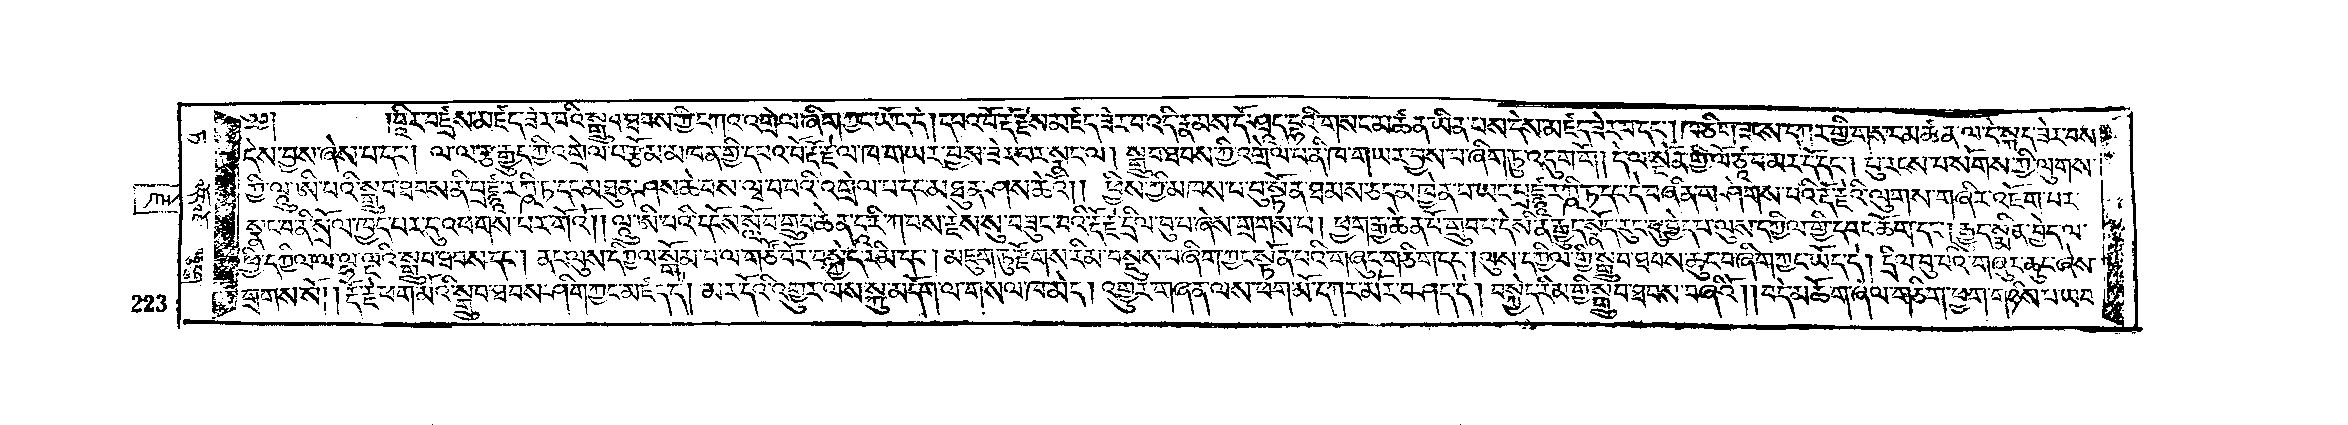༄༅། །བཱི་ར་བཛྲས་མཛད་ཟེར་བའི་སྒྲུབ་ཐབས་ཀྱི་དཀའ་འགྲེལ་ཞིག་ཀྱང་ཡོད་དེ། དཔའ་བོ་རྡོ་རྗེས་མཛད་ཟེར་བ་འདི་རྣམས་དེ་ཤྲཱད་དྷའི་གསང་མཚན་ཡིན་པས་དེས་མཛད་ཟེར་བ་དང་། ཁ་ཅིག་ཟངས་དཀར་གྱི་གསང་མཚན་ལ་དེ་སྐད་ཟེར་བས་
དེས་བྱས་ཞེས་པ་དང་། ལ་ལ་རྩ་རྒྱུད་ཀྱི་འགྲེལ་པ་རྩོམ་མཁན་གྱི་དཔའ་བོ་རྡོ་རྗེ་ལ་ཁ་གཡར་བྱས་ཟེར་བར་སྣང་ལ། སྒྲུབ་ཐབས་ཀྱི་འགྲེལ་པ་ནི་ཁ་གཡར་བྱས་པ་ཞིག་ཏུ་འདུག་གོ། དེ་ལ་སྔོན་གྱི་ལོ་ཙཱ་བ་མར་དོ་དང་། པུ་རངས་པ་སོགས་ཀྱི་ལུགས་
ཀྱི་ལཱུ་ཨི་པའི་སྒྲུབ་ཐབས་ནི་པྲཛྙཱ་རཀྵི་ཏ་དང་མཐུན་ཤས་ཆེ་བས་ལྭ་བ་པའི་འགྲེལ་པ་དང་མཐུན་ཤས་ཆེའོ། །ཕྱིས་ཀྱི་མཁས་པ་བུ་སྟོན་ཐམས་ཅད་མཁྱེན་པ་ཡང་པྲཛྙཱ་རཀྵི་ཏ་དང་དེ་བཞིན་གཤེགས་པའི་རྡོ་རྗེའི་ལུགས་གཞིར་འཇོག་པར་
སྣང་བ་ནི་སྲོལ་ཁྱད་པར་དུ་འཕགས་པར་གོའོ། །ལཱུ་ཨི་པའི་དངོས་སློབ་གྲུབ་ཆེན་དཱ་རི་ཀ་པས་རྗེས་སུ་བཟུང་བའི་རྡོ་རྗེ་དྲིལ་བུ་པ་ཞེས་གྲགས་པ། ཕྱག་རྒྱ་ཆེན་པོ་གྲུབ་པ་དེས་ནི་རྒྱུད་སྣོད་རུང་དུ་བྱེད་པ་ལུས་དཀྱིལ་གྱི་དབང་ཆོག་དང་། རྒྱུད་སྨིན་བྱེད་ལ་
ཕྱི་དཀྱིལ་ལ་ལྷ་ལྔའི་སྒྲུབ་ཐབས་དང་། ནང་ལུས་དཀྱིལ་སྒོམ་པ་ལ་གཙོ་བོར་བསྐྱེད་རིམ་དང་། མཇུག་ཏུ་རྫོགས་རིམ་བསྡུས་པ་ཞིག་ཀྱང་སྟོན་པའི་གཞུང་གཅིག་དང་། ལུས་དཀྱིལ་གྱི་སྒྲུབ་ཐབས་ཆུང་བ་ཞིག་ཀྱང་ཡོད་དེ། དྲིལ་བུ་པའི་གཞུང་ཆུང་ཞེས་
གྲགས་སོ། །རྡོ་རྗེ་ཕག་མོའི་སྒྲུབ་ཐབས་ཤིག་ཀྱང་མཛད་དེ། མར་དོའི་འགྱུར་ལས་སྐུ་མདོག་ལ་གསལ་ཁ་མེད། འགྱུར་གཞན་ལས་ཕག་མོ་དཀར་མོར་བཤད་དེ། བསྐྱེད་རིམ་གྱི་སྒྲུབ་ཐབས་བཞིའོ། །བདེ་མཆོག་ཞལ་གཅིག་ཕྱག་གཉིས་པ་ཡབ་